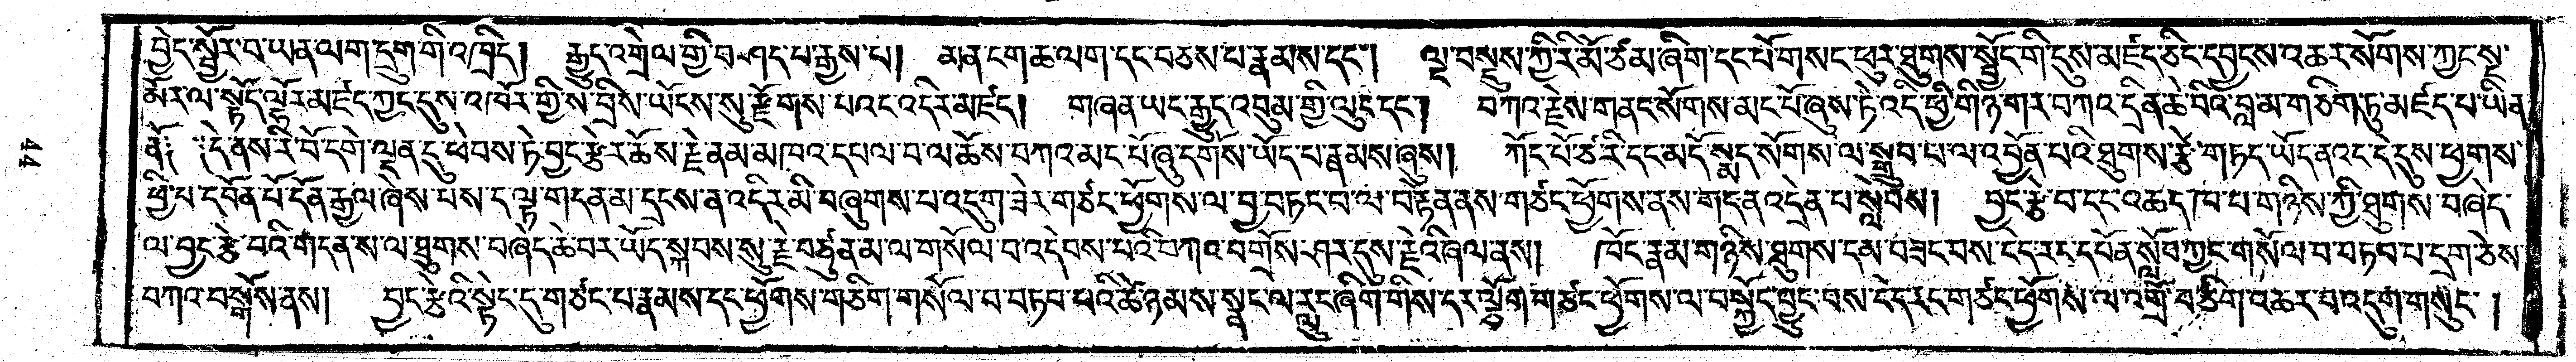བྱེད་སྦྱོར་བ་ཡན་ལག་དྲུག་གི་འཁྲིད། རྒྱུད་འགྲེལ་གྱི་བཤད་པ་རྒྱས་པ། མན་ངག་ཆ་ལག་དང་བཅས་པ་རྣམས་དང་། ལྔ་བསྡུས་ཀྱི་རི་མོ་ཙམ་ཞིག་དང་པོ་གསང་ཕུར་ཐུགས་སྤྱོད་གི་དུས་མཛད་ཅིང་དབྱངས་འཆར་སོགས་ཀྱང་སྔ་
མོར་ལ་སྟོད་ལྷོར་མཛད་ཀྱང་དུས་འཁོར་གྱི་ས་བྲིས་ཡོངས་སུ་རྫོགས་པའང་འདིར་མཛད། གཞན་ཡང་རྒྱུད་འབུམ་གྱི་ལུང་དང་། བཀའ་རྗེས་གནང་སོགས་མང་པོ་ཞུས་ཏེ་འདི་ཕྱི་གི་ཉ་གར་བཀའ་དྲིན་ཆེ་བའི་བླ་མ་གཅིག་ཏུ་མཛད་པ་ཡིན་
ནོ༑ ༑དེ་ནས་རི་བོ་དགེ་ལྡན་དུ་ཕེབས་ཏེ་བྱང་རྩེར་ཆོས་རྗེ་ནམ་མཁའ་དཔལ་བ་ལ་ཆོས་བཀའ་མང་པོ་ཞུ་དགོས་ཡོད་པ་རྣམས་ཞུས། ཀོང་པོ་ཙ་རི་དང་མདོ་སྨད་སོགས་ལ་སྒྲུབ་པ་ལ་འབྱོན་པའི་ཐུགས་རྩེ་གཏད་ཡོད་ནའང་དེ་དུས་ཕྱགས་
ཕྱི་པ་དབོན་པོ་དོན་རྒྱལ་ཞེས་པས་ད་ལྟ་གདན་མ་དྲངས་ན་འདིར་མི་བཞུགས་པ་འདུག་ཟེར་གཙང་ཕྱོགས་ལ་བྱ་བཏང་བ་ལ་བརྟེན་ནས་གཙང་ཕྱོགས་ནས་གདན་འདྲེན་པ་སླེབས། བྱང་རྩེ་བ་དང་འཆད་ཁ་པ་གཉིས་ཀྱི་ཐུགས་བཞེད་
ལ་བྱང་རྩེ་བའི་གདན་ས་ལ་ཐུགས་བཞེད་ཆེ་བར་ཡོད་སྐབས་སུ་རྗེ་བཙུན་མ་ལ་གསོལ་བ་འདེབས་པའི་བཀའ་བགྲོས་ཤར་དུས་རྗེའི་ཞལ་ནས། ཁོང་རྣམ་གཉིས་ཐུགས་དམ་བཟང་པས་ངེད་རང་དཔོན་སློབ་ཀྱང་གསོལ་བ་བཏབ་པ་དྲག་ཅེས་
བཀའ་བསྒོས་ནས། བྱང་རྩེའི་སྟེང་དུ་གཙང་པ་རྣམས་དང་ཕྱོགས་གཅིག་གསོལ་བ་བཏབ་པའི་ཚེ་ཉམས་སྣང་ལ་རླུང་ཞིག་གིས་དར་ལྕོག་གཙང་ཕྱོགས་ལ་བསྐྱོད་བྱུང་བས་ངེད་རང་གཙང་ཕྱོགས་ལ་འགྲོ་བ་ཅིག་འཆར་བ་འདུག་གསུང་།